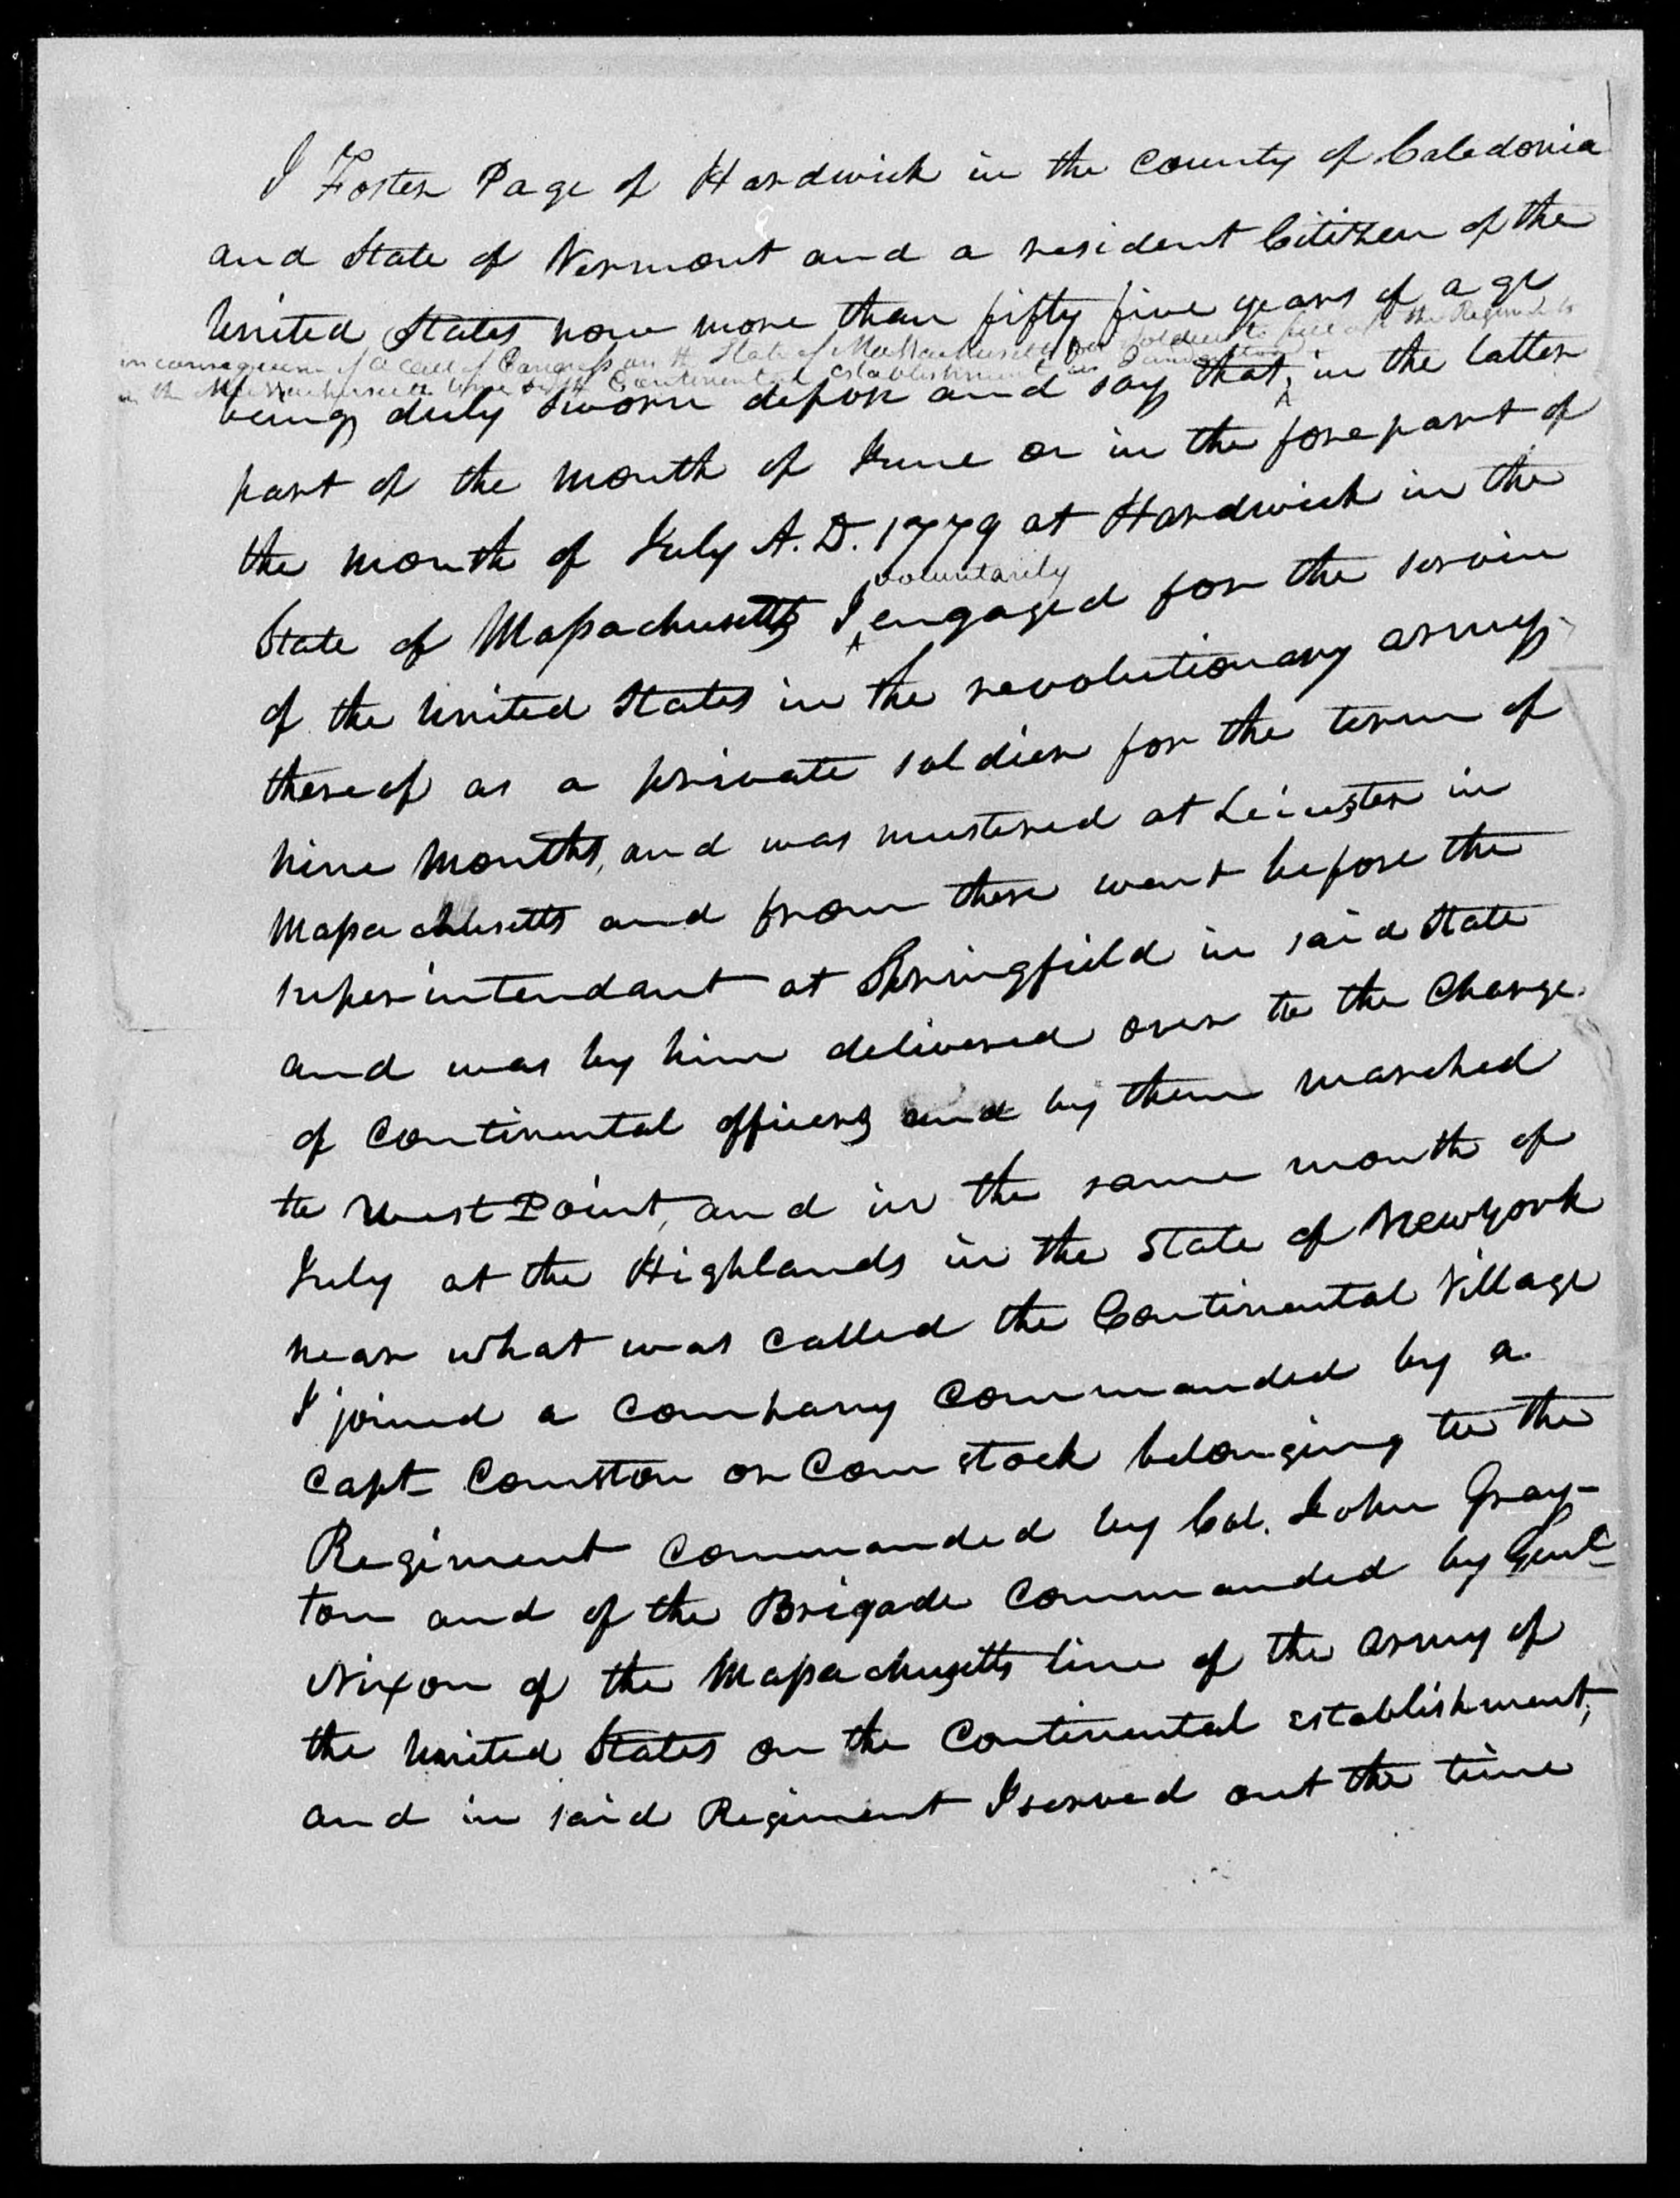I Foster Page of Hardwick in the County of Caledonia
and State of Vermont and a resident Citizen of the
United States now more than fifty five years of age
being duly sworn upon and say that in consequence of a call of Congress an the 
State of Massachusetts for Soldiers to fill up the Regiments in the Massachusetts line with Continental establishment as I understand, in the latter
part of the month of June or in the forepart of
the month of July A.D. 1779 at Hardwick in the
State of Massachusetts I voluntarily engaged
for the service
of the United States in the revolutionary army
thereof as a private soldier for the term of
nine months, and was mustered at Leicester in
Massachusetts and from there went before the
superintendent at Springfield in said State
and was by him delivered over the the charge
of Continental officers and by them marched
to West Point, and in the same month of
July at the Highlands in the State of New York
near what was called the Continental Village
I joined a Company commanded by a
Capt Comston or Comstock belonging
to the Regiment commanded by Col. John Grayton
and of the Brigade commanded by Genl
Nixon of the Massachusetts line of the army of
the United States on the Continental establishment,
and in said Regiment I served out the time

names: [BLANK] Comston; John Grayton; [BLANK] Nixon; Foster Page; [BLANK] Comstock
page: 7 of 40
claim: widow's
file: W. 15168, for Foster Paige, Massachusetts